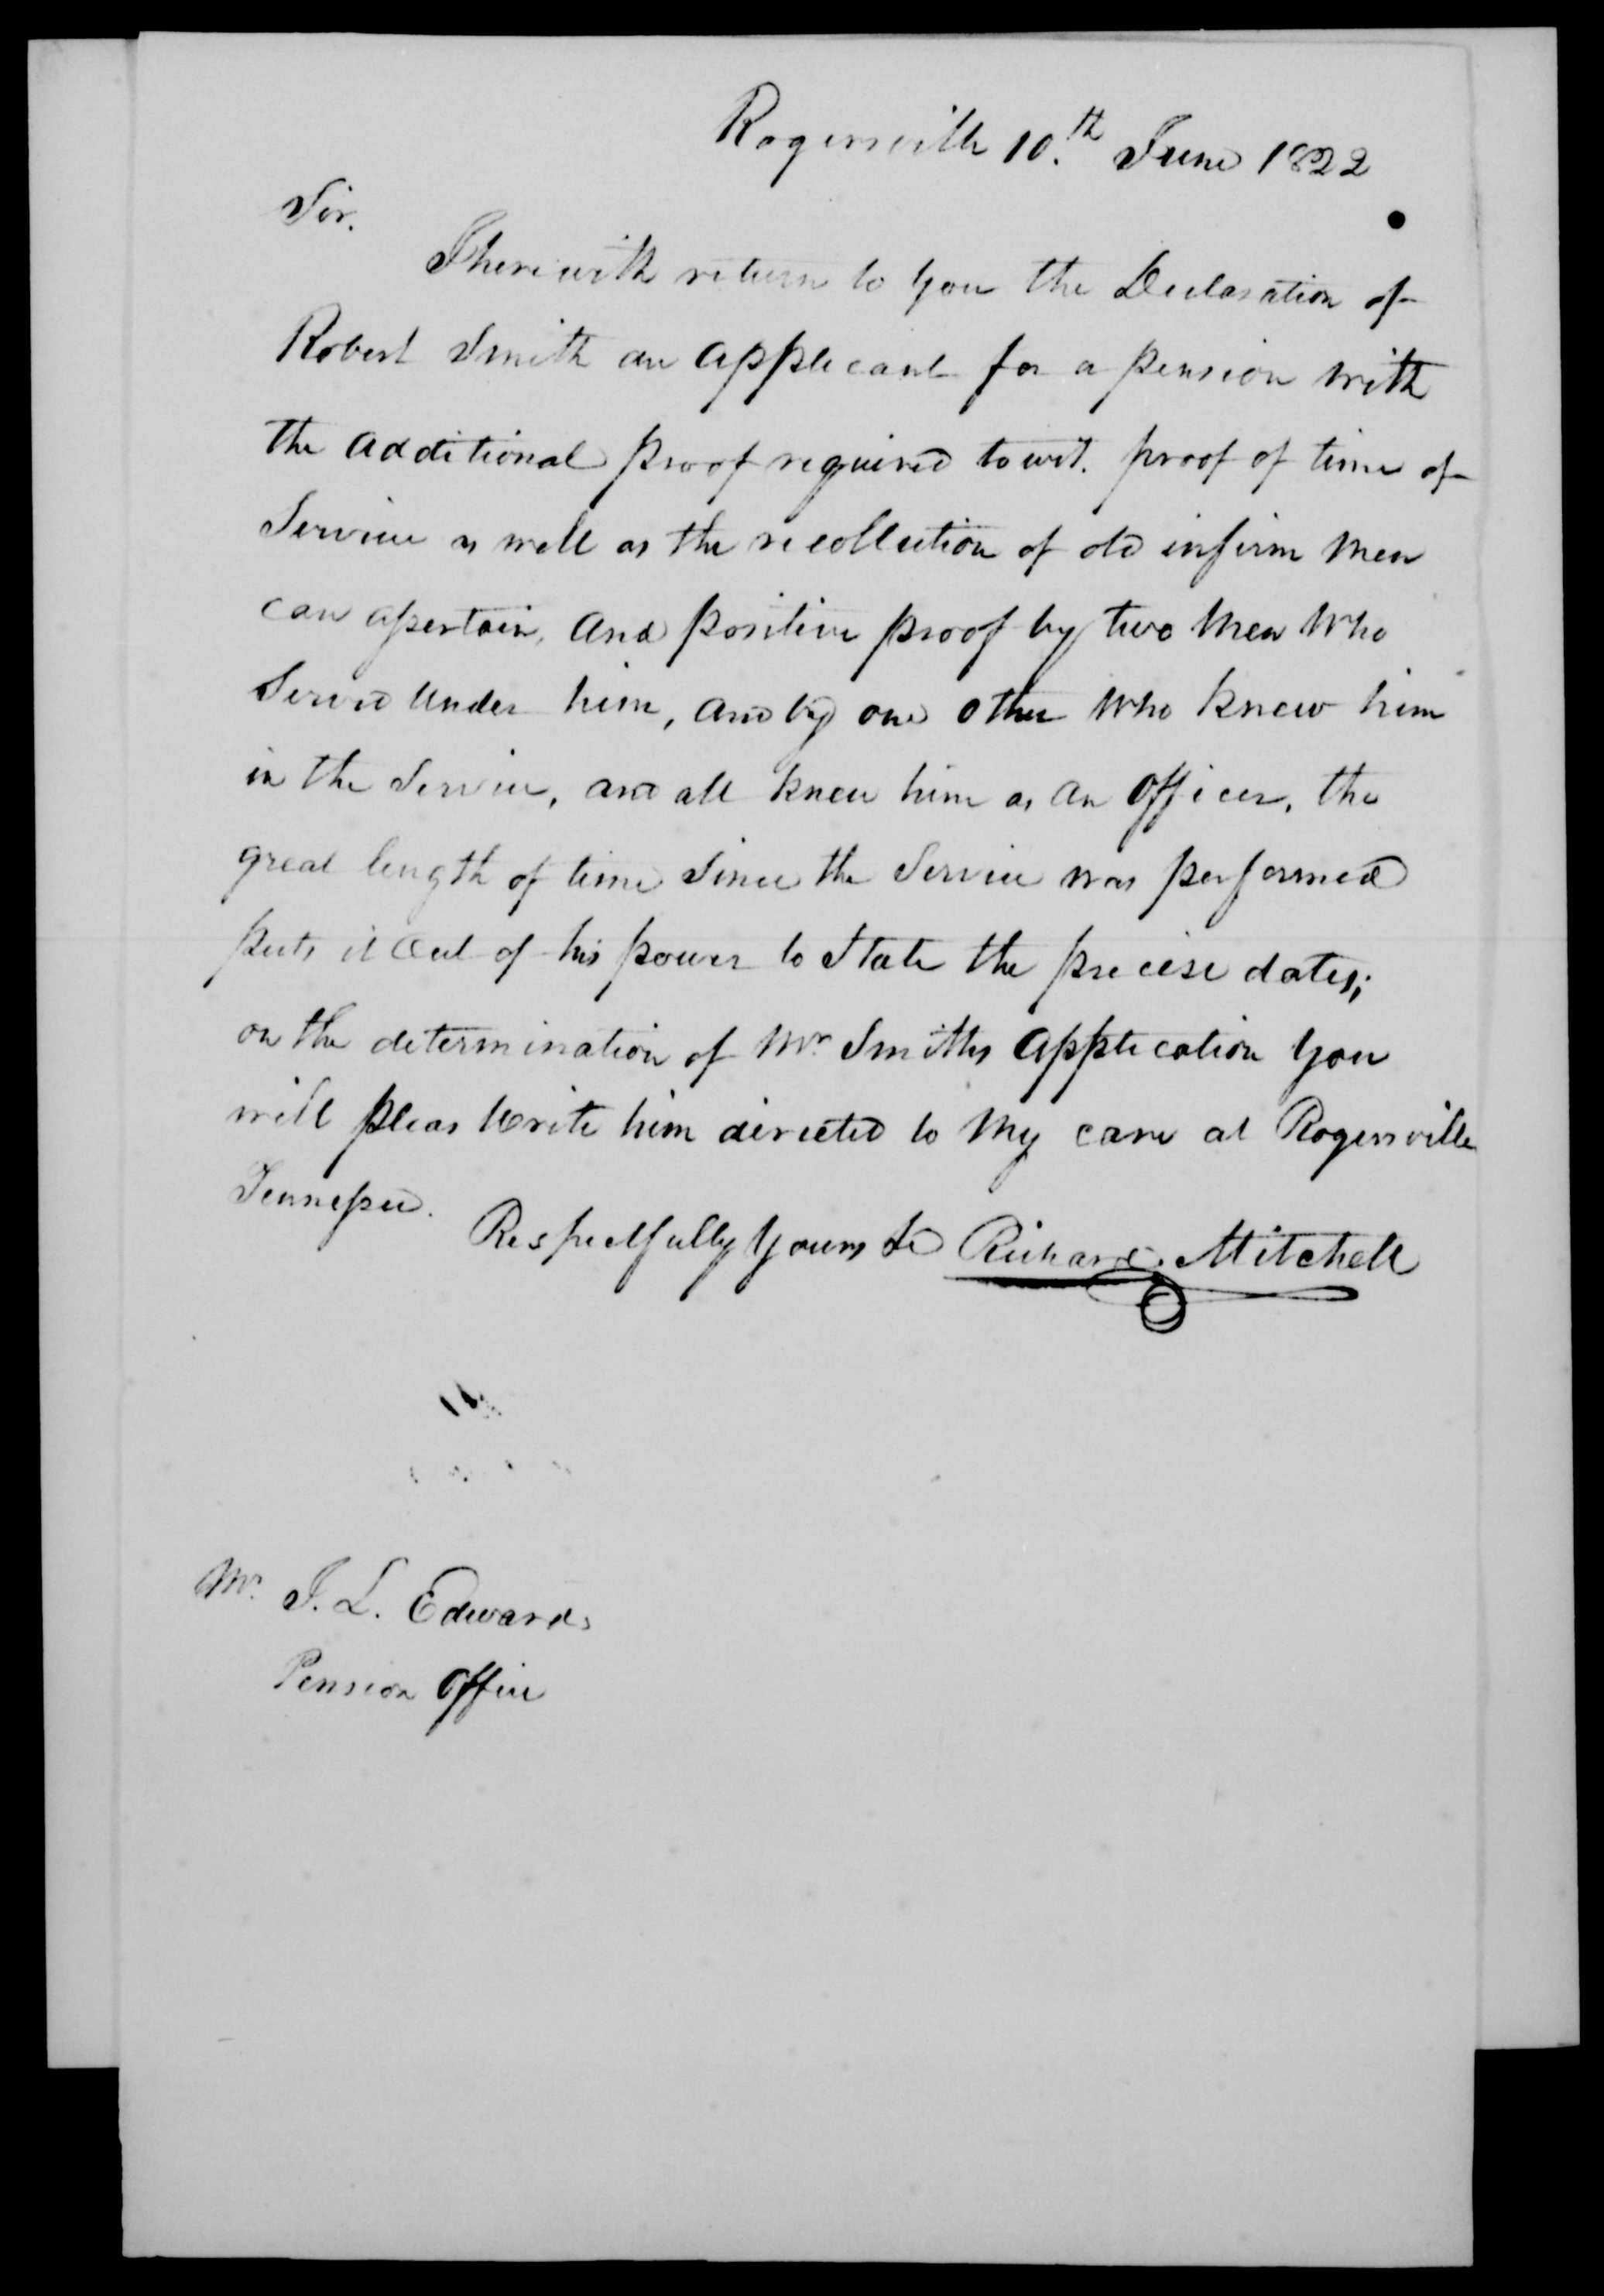Rogersville 10th June 1822

Sir.

I herewith return to you the Declaration of
Robert Smith an applicant for a pension with
the additional proof required to wit proof of time of
Service as well as the recollection of old infirm men
can assertain, and positive proof by two men who
served under him, and by one other who knew him
in the service, and all knew him as an officer, the
great length of time since the Service was performed
put it out of his power to state the precise dates;
on the determination of Mr Smiths application you
will pleas write him directed to my case at Rogersville
Tennessee.
Respectfully yours W Richard Mitchell

J.L. Edwards
Pension Office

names: J L Edwards; Robert Smith; [BLANK] Smith; Richard Mitchell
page: 54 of 79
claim: widow's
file: W. 1504, for Robert Smith, North Carolina